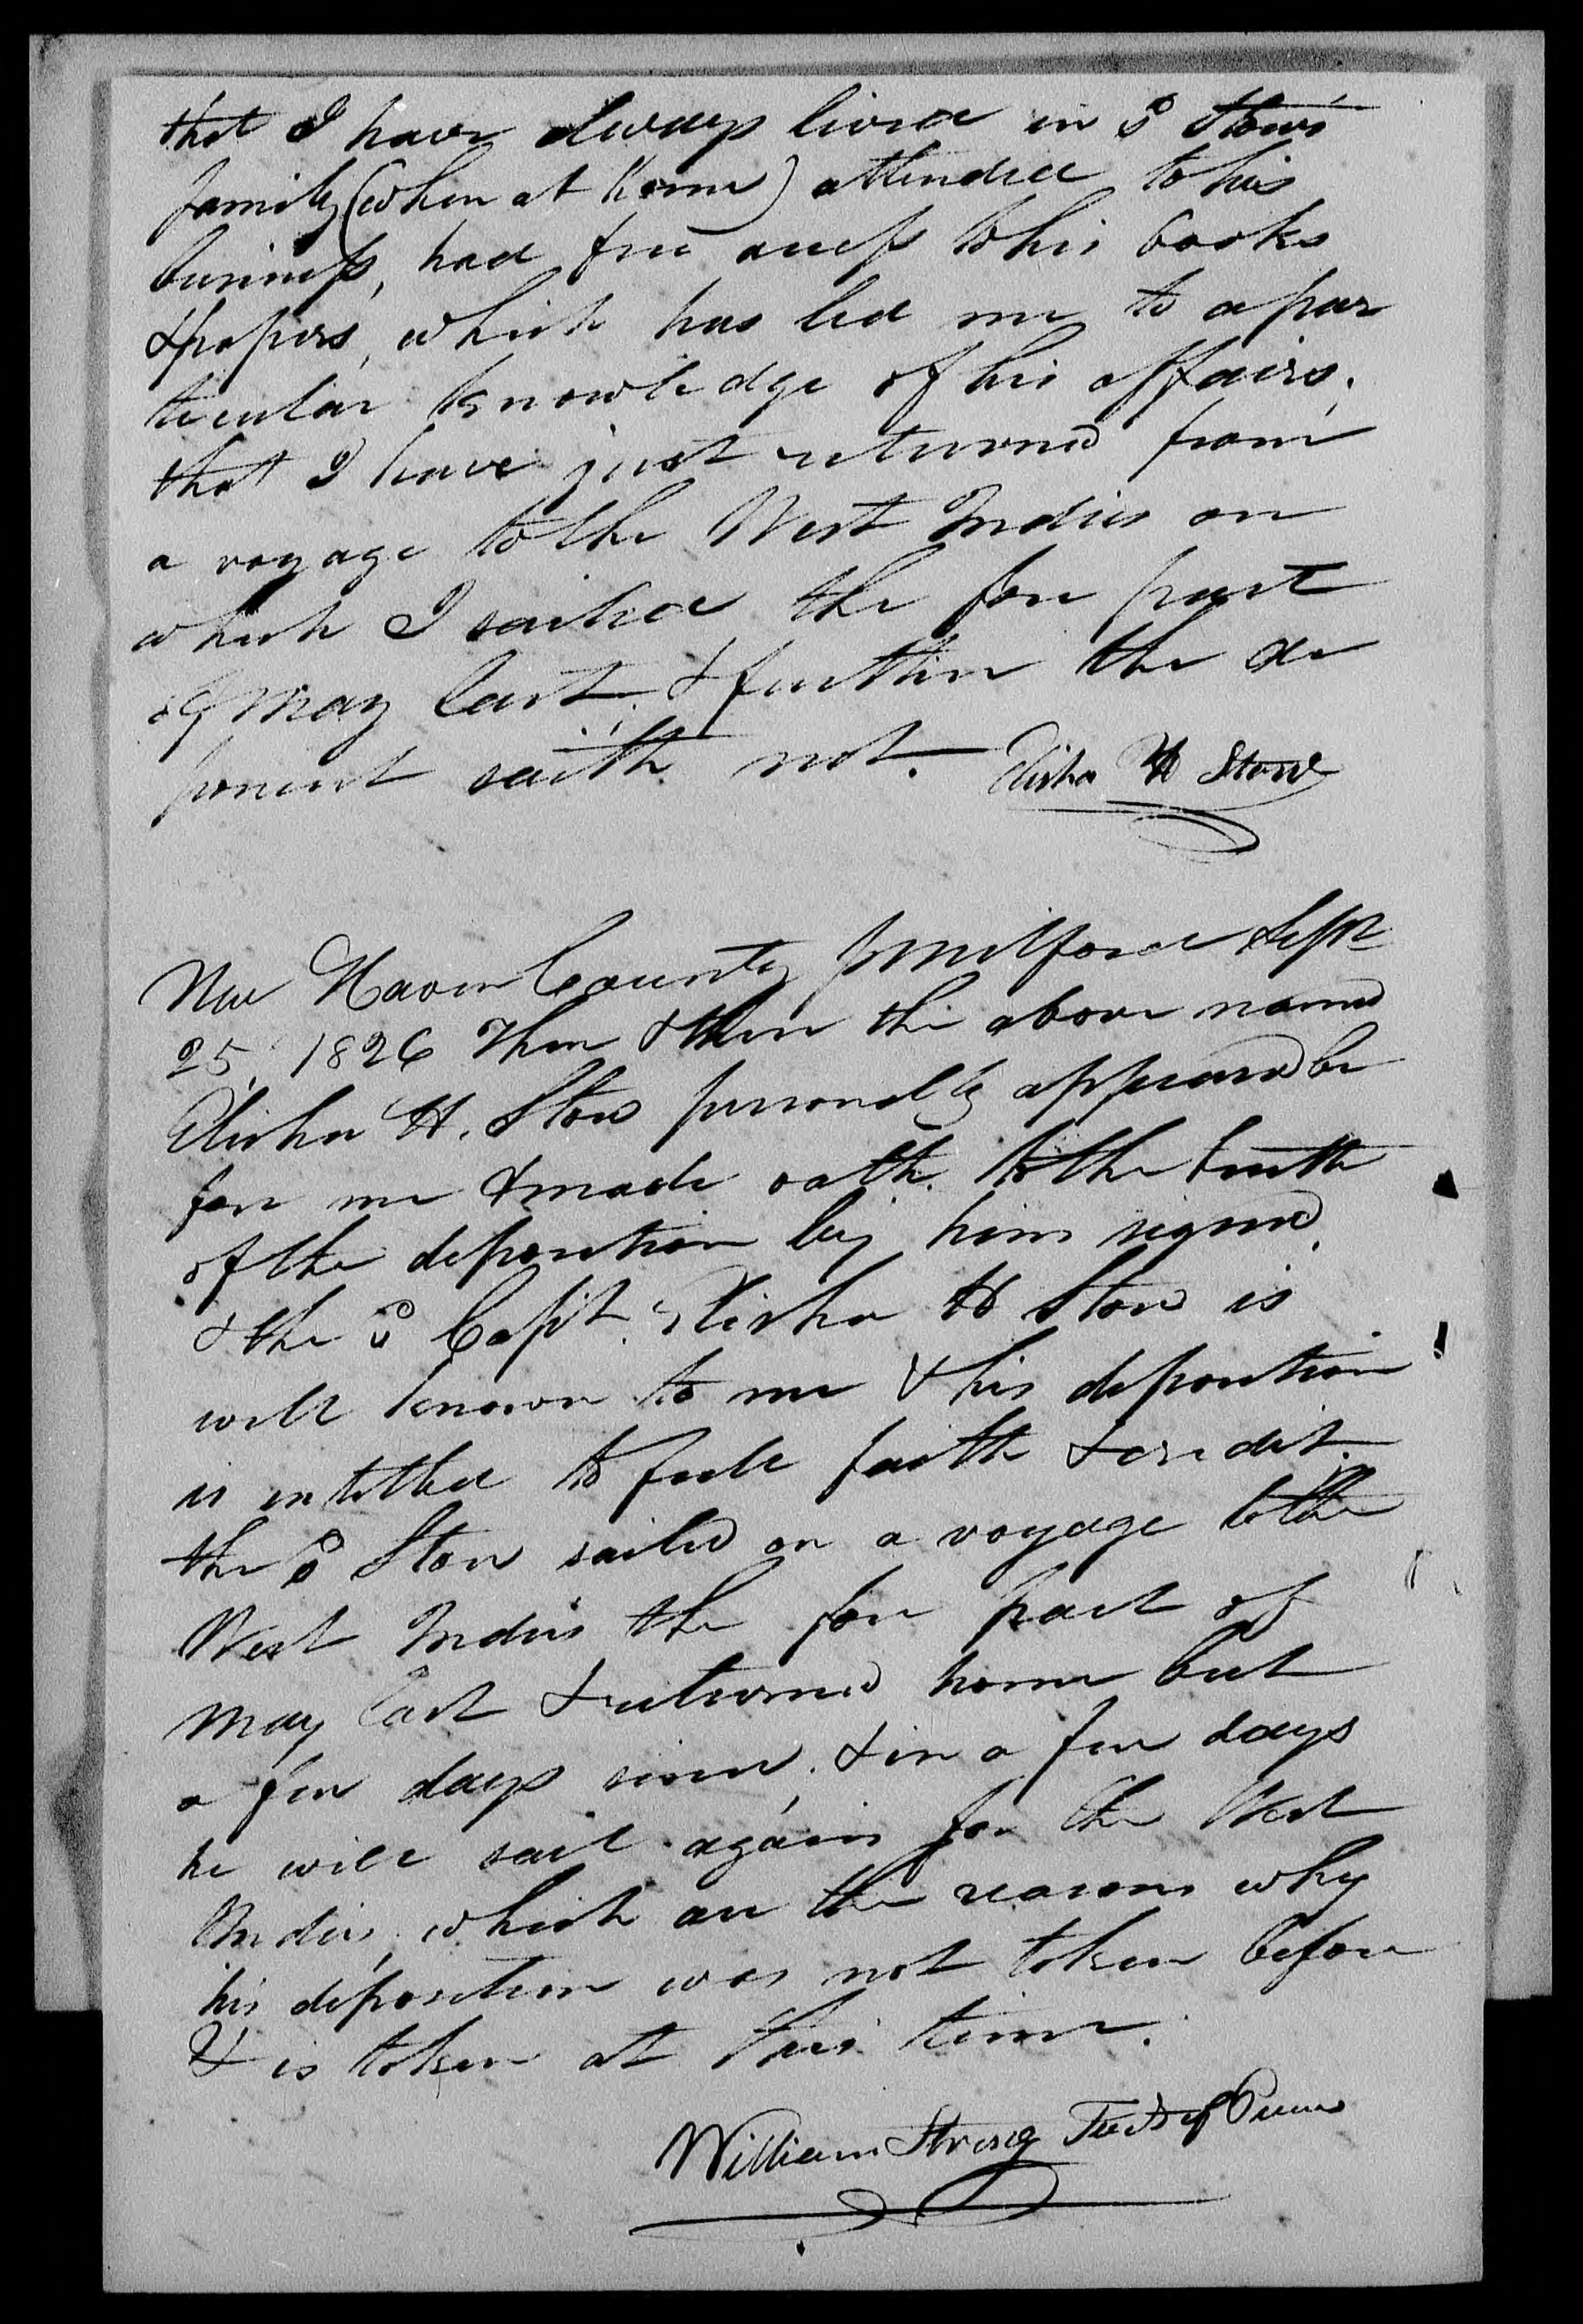that I have always lived in this
family (when at home) attended to his business; had free access to his books &
papers which has led me to a particular knowledge of his affairs;  that I have just returned from a voyage to the West Indies on
which I sailed the fore part of May last & further the deponent saith not.
[signed] Elisha H. Stow

New Haven County} ss: Milford Sept 25 1826 When & where the above named Elisha H. Stow personally appeared before me & made oath to the truth of the deposition by him signed & the said Capt Elisha H Stow is
well known to me & his deposition is entitled
to full faith & credit.
The said Stow sailed on a voyage to the
West Indies the fore part of May last & returned home but a few days since, & in a few days he will sail again for the West Indies, 
which are the reasons why his deposition was not taken before & is taken at this time.
William Strong Just of Peace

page: 33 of 42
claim: survivor's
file: S. 36,819, for Samuel Stow, Connecticut